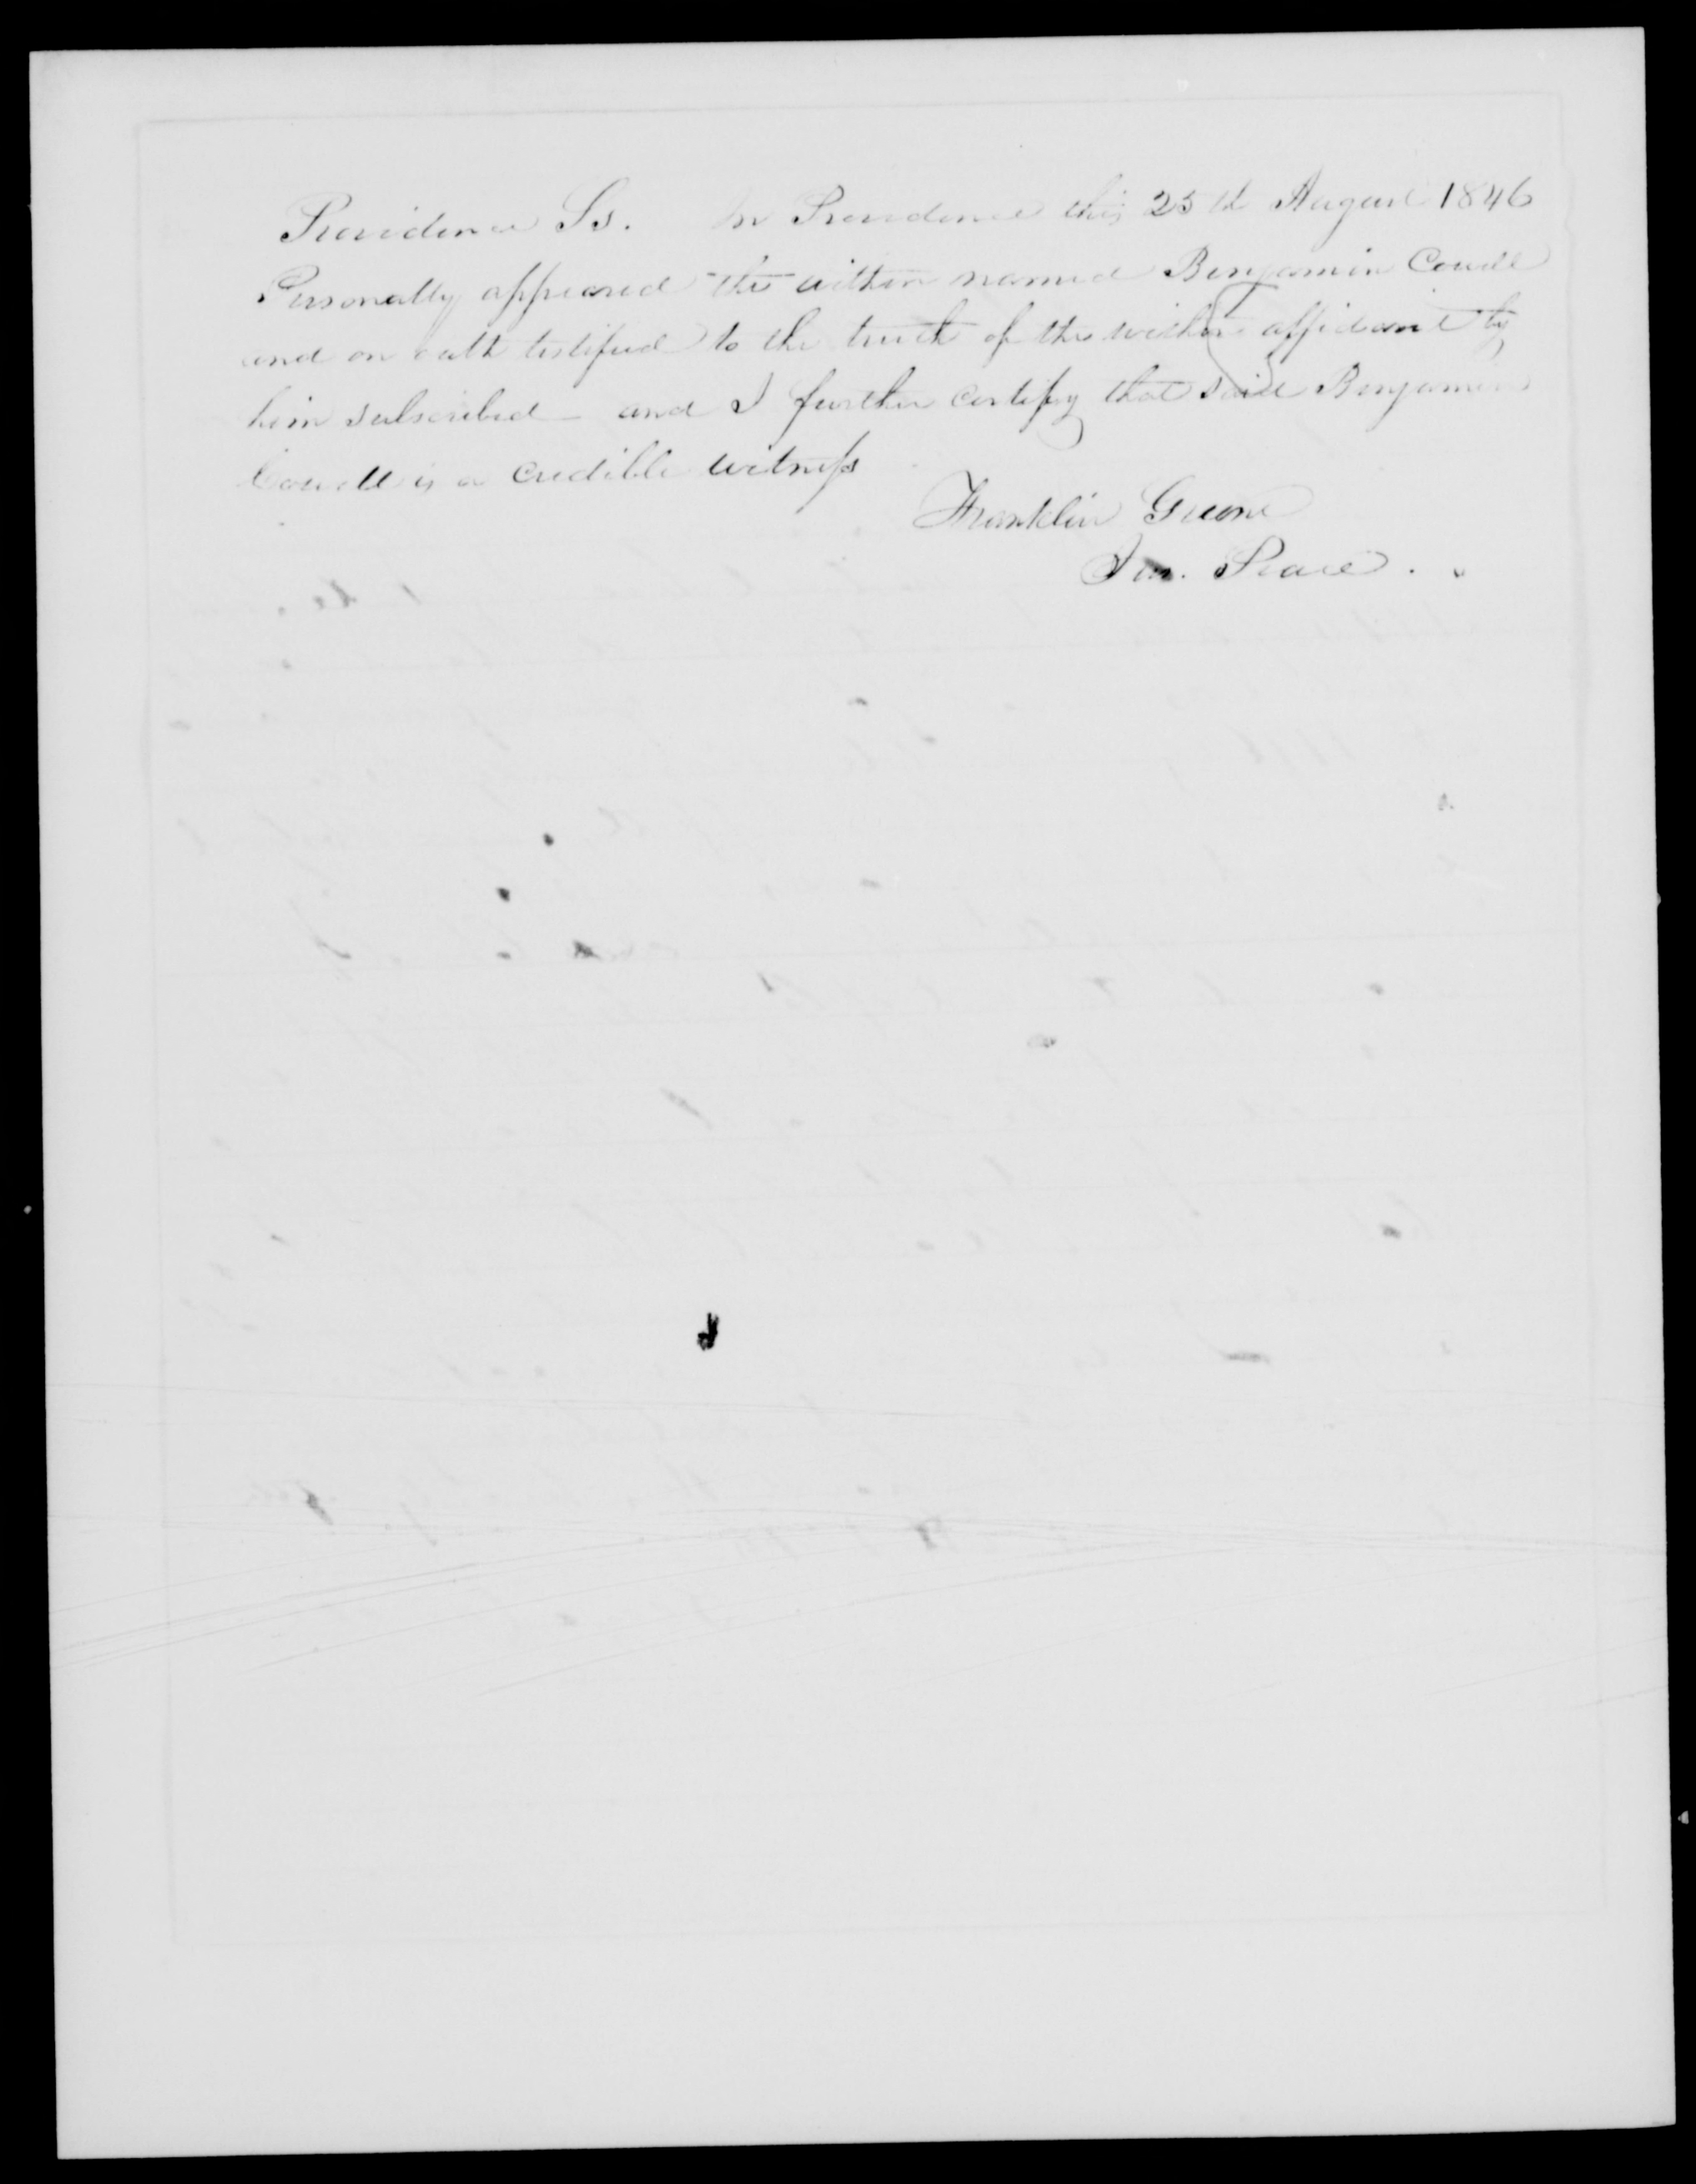Providence Is. In Providence this 25th August 1846 personally appeared the written name of Benjamin Cowell and on oath testified to the truth of this within affidavit by him subscribed and I further certify that said Benjamin Cowell is a credible witness.

Franklin Greene
Jus. Peace.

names: Franklin Greene, Benjamin Cowell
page: 25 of 53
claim: widow's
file: W 17707, Benjamin Weaver, R.I.